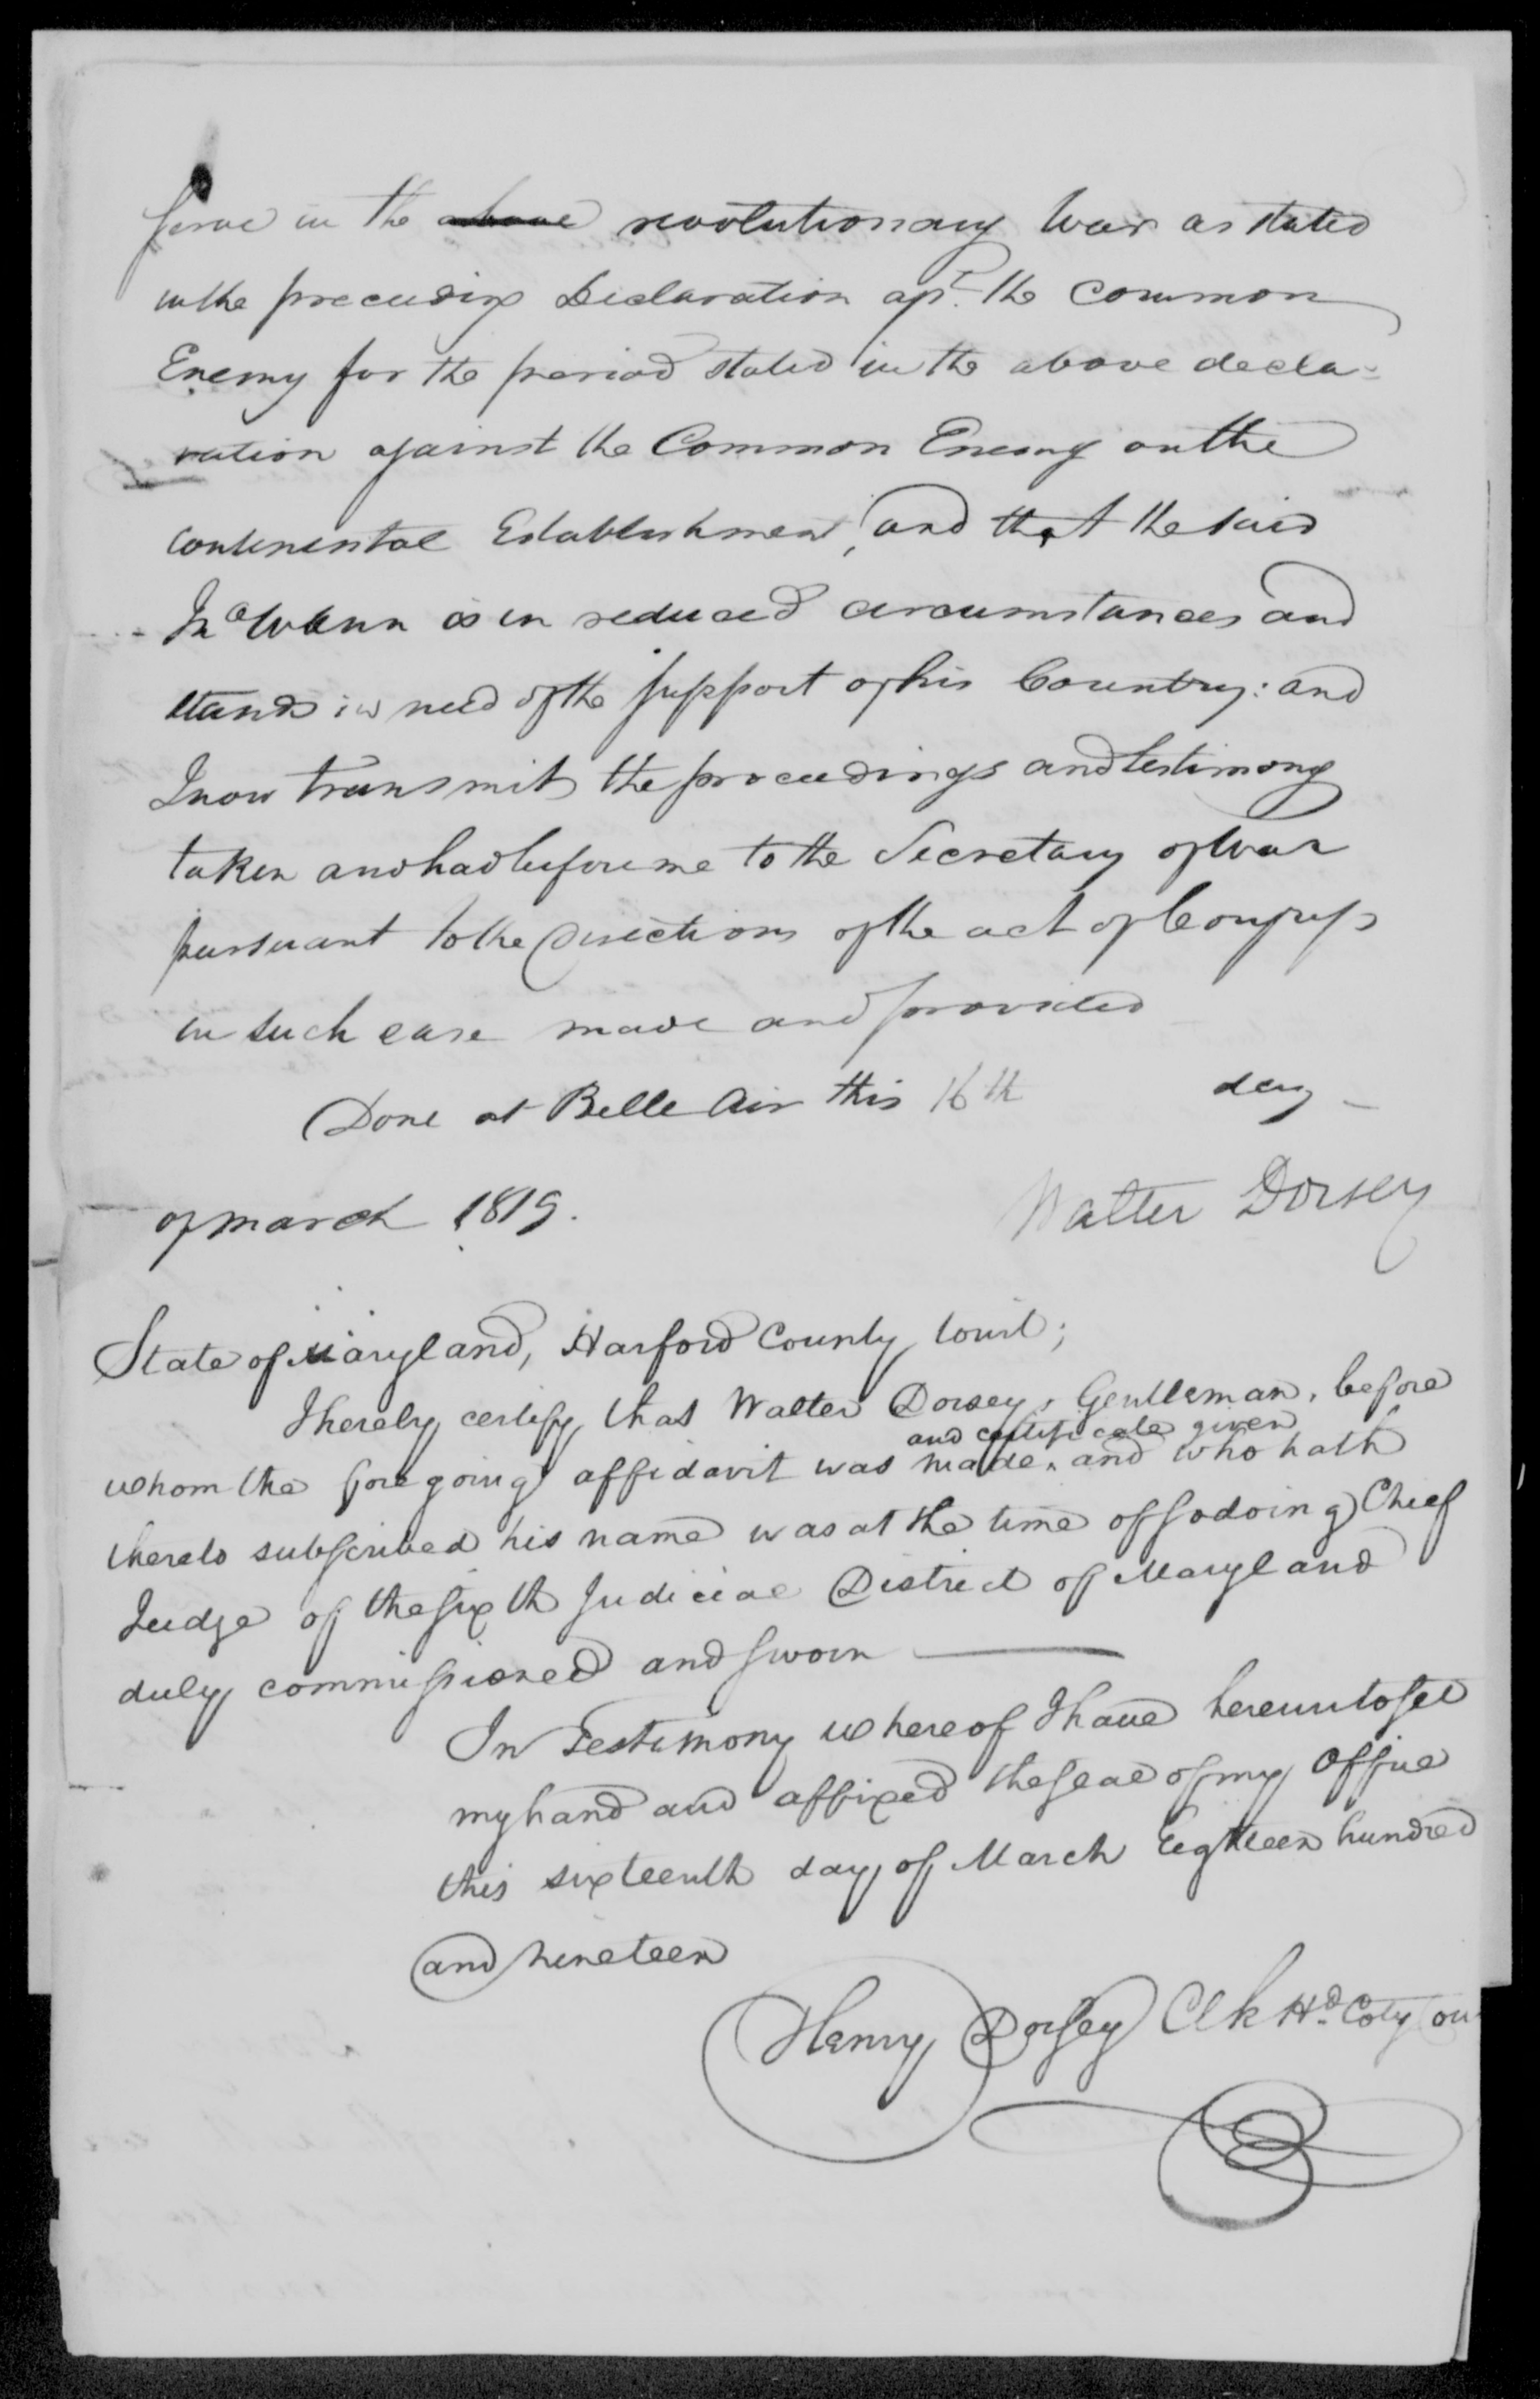serve in the revolutionary war as stated in the preceeding [preceding] declaration agst [against] the common Enemy for the period stated in the above declaration against the Common Enemy on the continental Establishment, and that the said Jno [John] Wann is in reduced circumstances and stands in need of the support of his Country; and I now transmit the proceedings and testimony taken and had before me to the Secretary of War pursuant to the directions of the act of Congress in such case made and provided
Done at Belle air this 16th day of March 1819.
Walter Dorsey

State of Maryland, Harford County Court to wit;
I hereby certify that Walter Dorsey Gentleman, before whom the foregoing affidavit was made and certificate given; and who hath thereto subscribed his name was at the time of so doing Chief Judge of the Sixth Judicial District of Maryland duly commissioned and sworn-
In Testimony whereof I have hereunto set my hand and affixed the seal of my office this sixteenth day of March Eighteen hundred and nineteen
Henry Dorsey Clk [Clerk] Hd. Coty Cou [court]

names: Jno Wann, Walter Dorsey, Henry Dorsey, Walter Dorsey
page: 15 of 38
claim: widow's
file: W. 3899, John Wann, Penn.